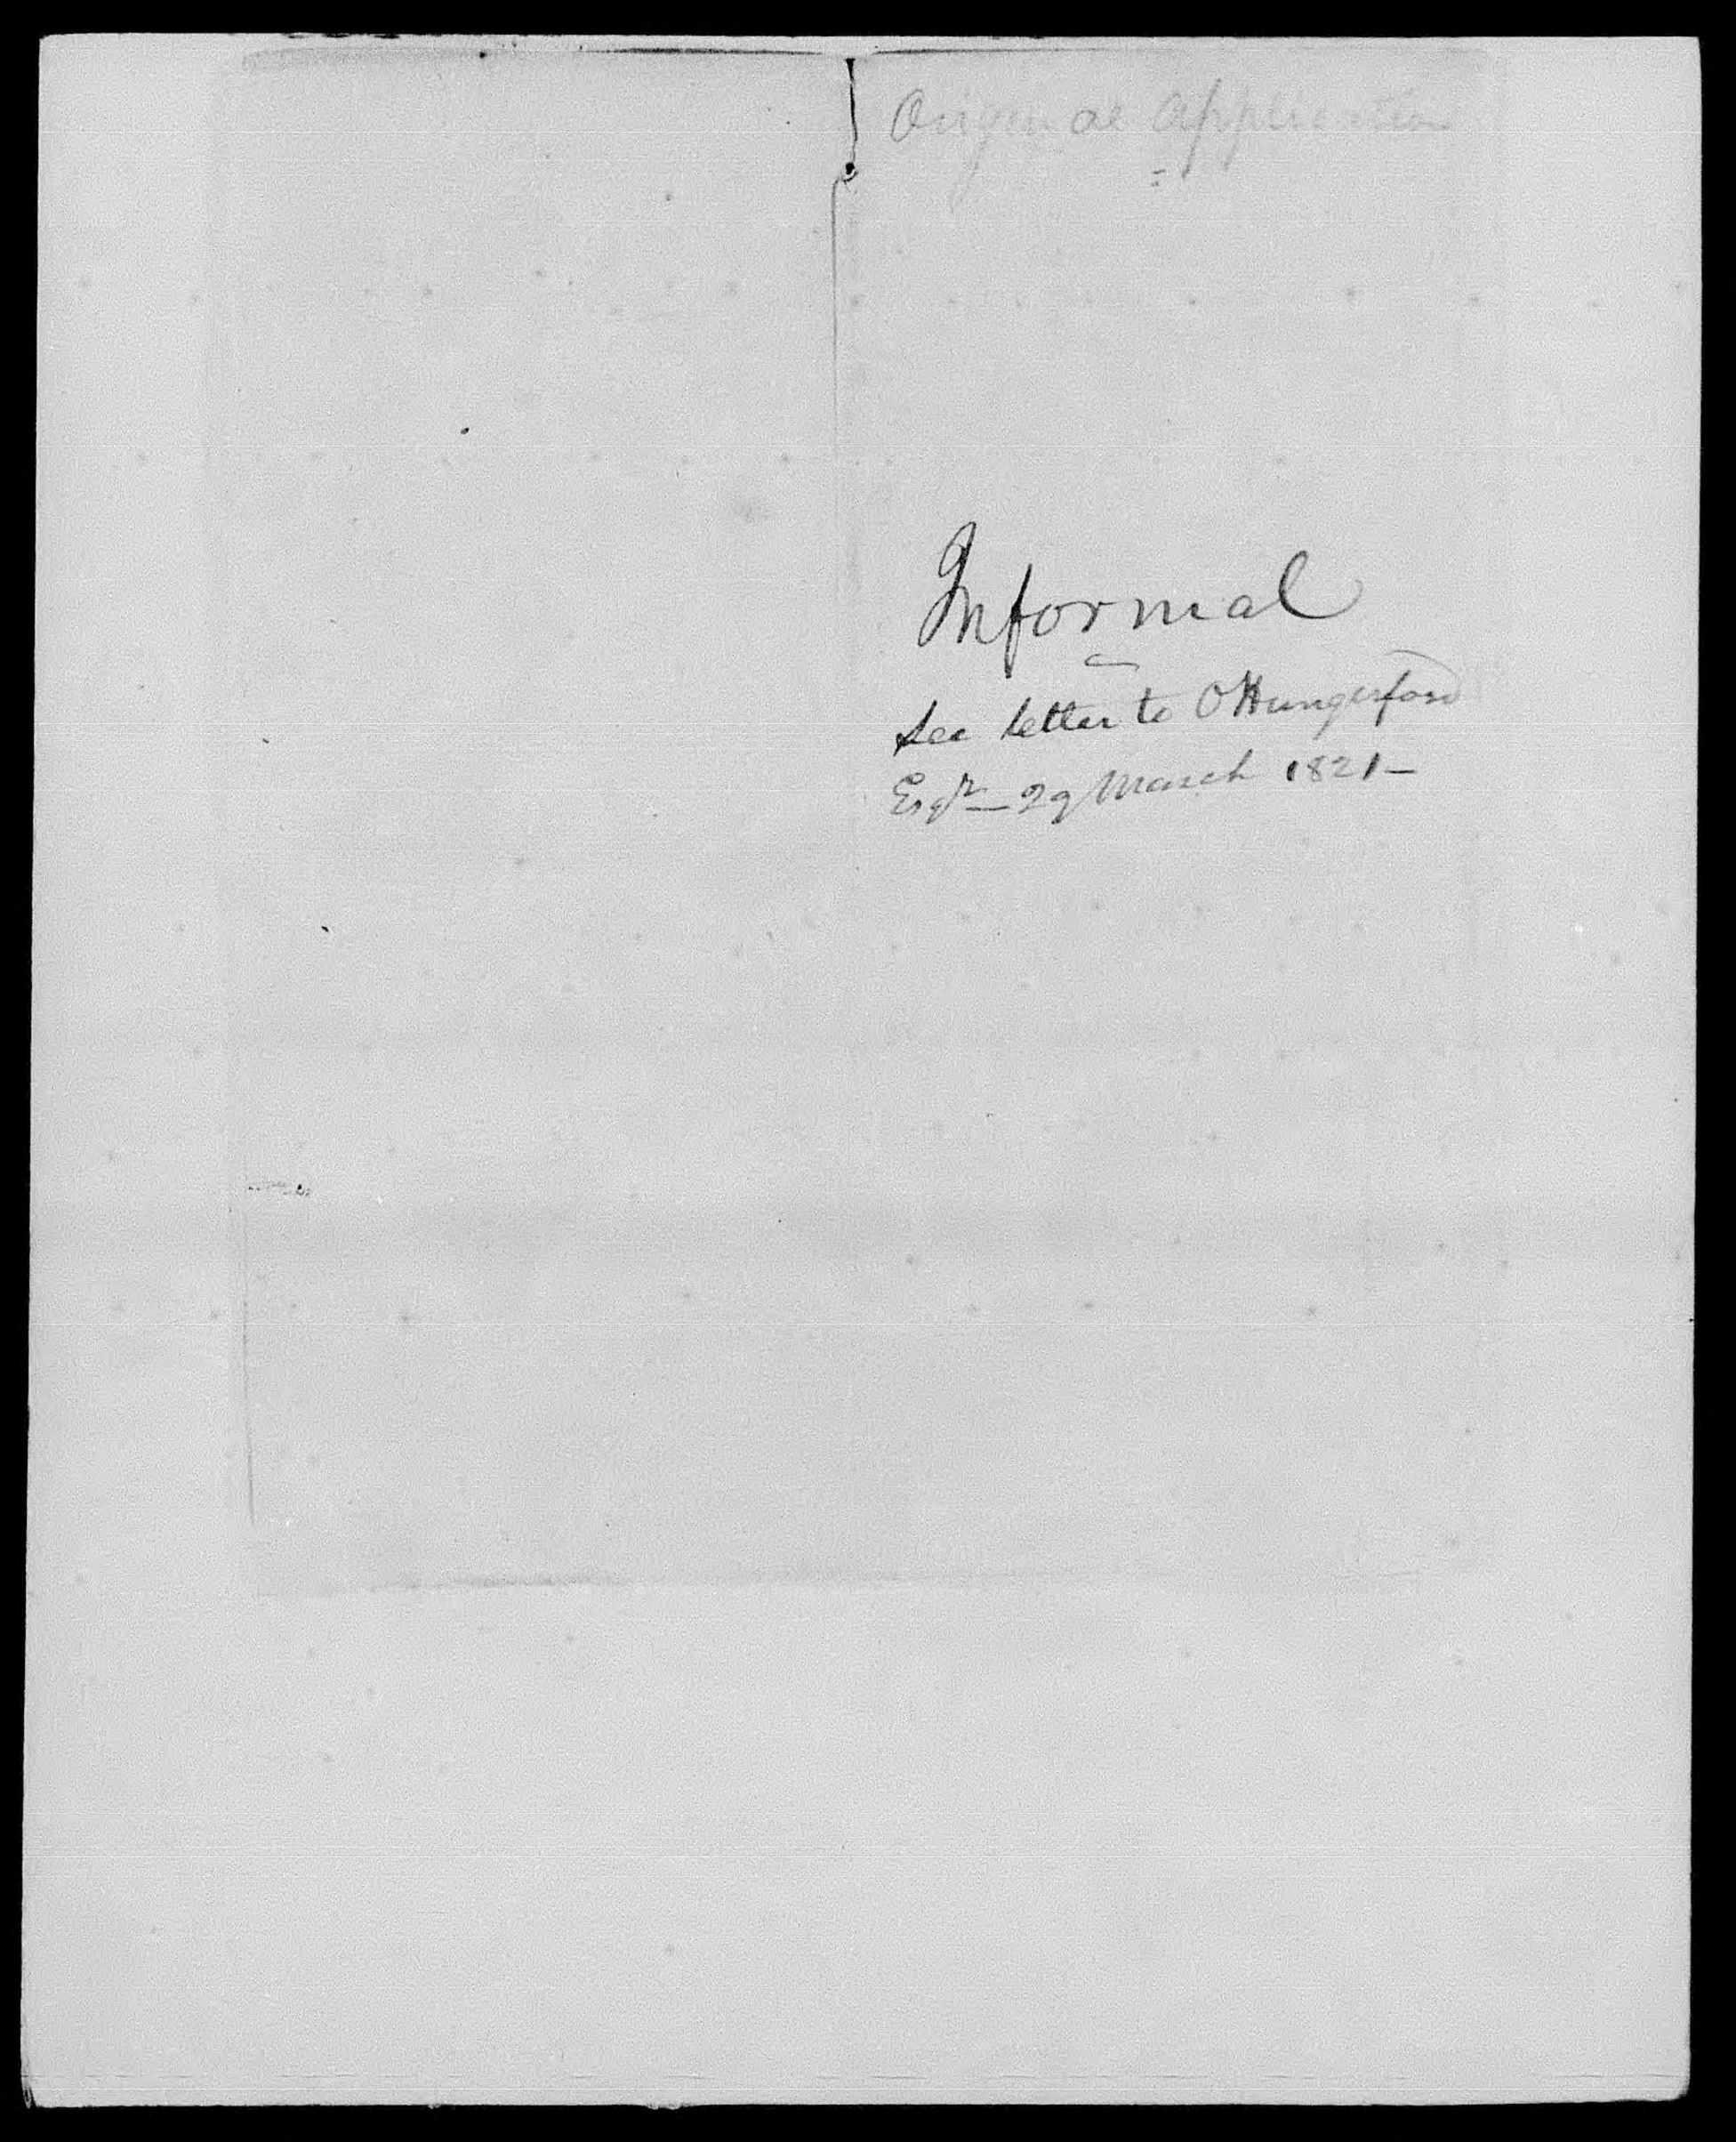Original Application
Informal
See letter to O Hungerford
Esq -- 29 March 1821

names: O Hungerford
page: 7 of 46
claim: widow's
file: W. 23022, Thomas Farr, N.H.